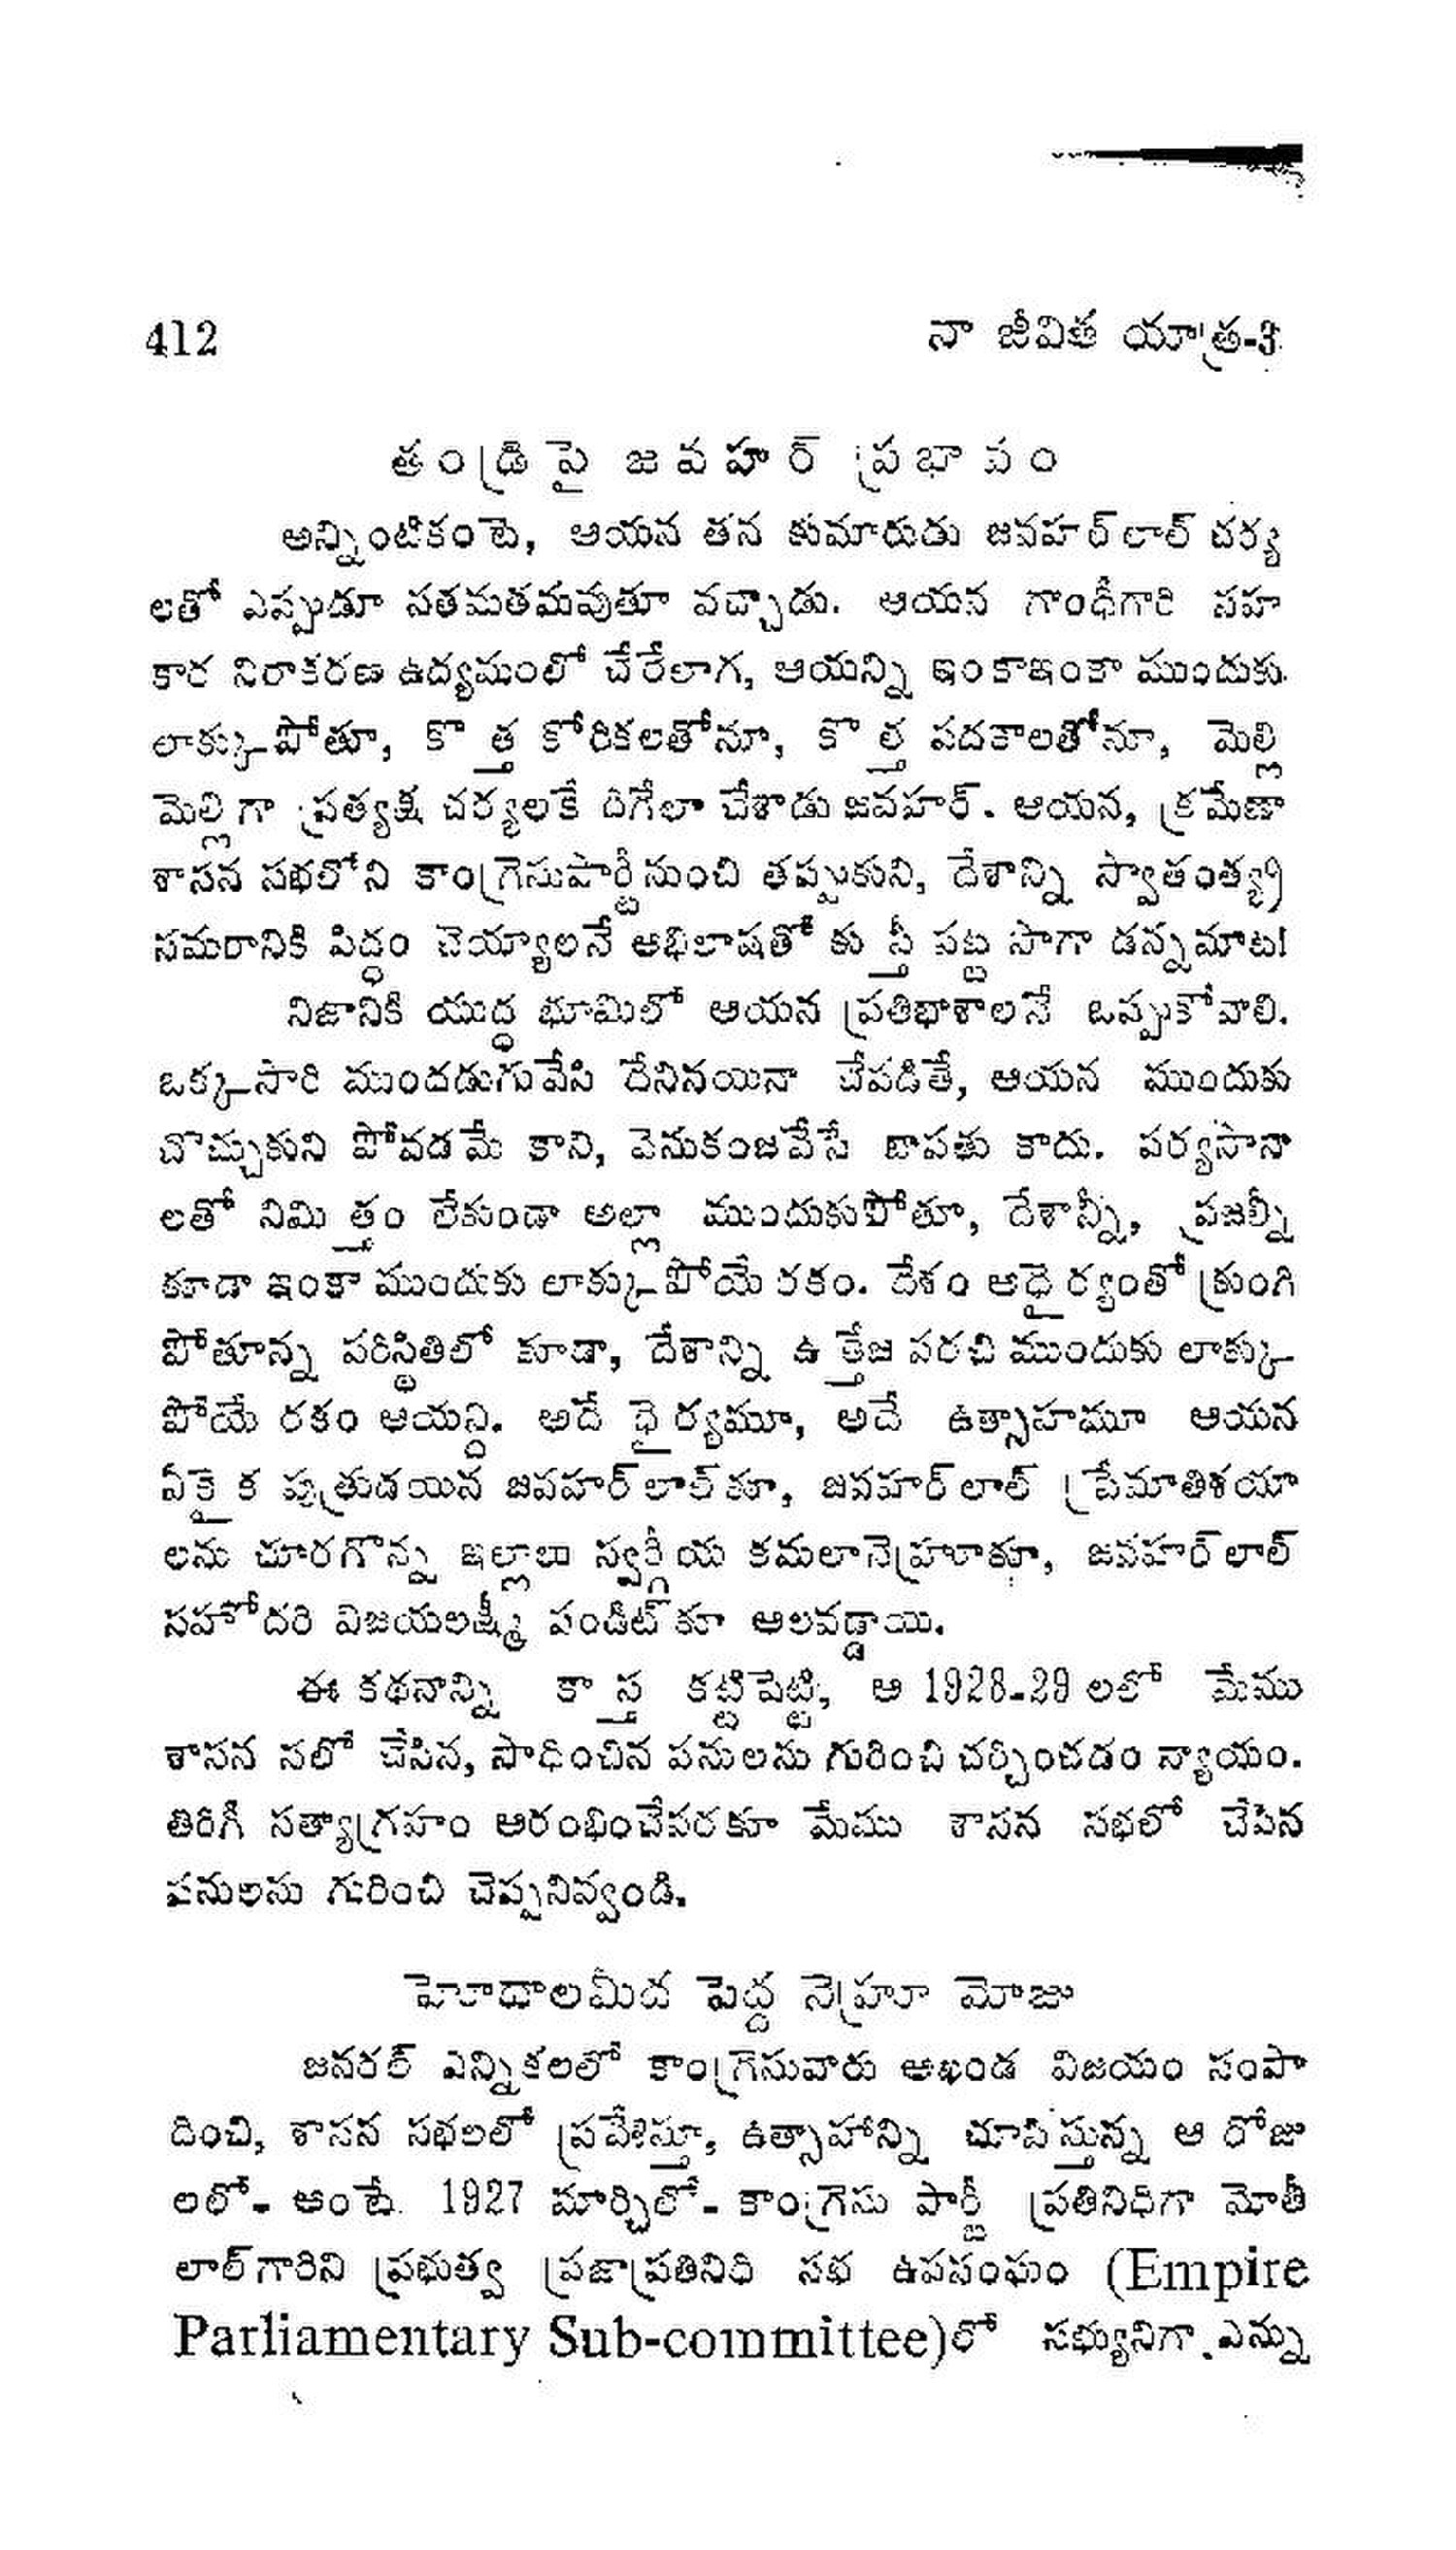అన్నింటికంటె, ఆయన తన కుమారుడు జవహర్‌లాల్ చర్యలతో ఎప్పుడూ సతమత మవుతూ వచ్చాడు. ఆయన గాంధీగారి సహకార నిరాకరణ ఉద్యమంలో చేరేలాగ, ఆయన్ని ఇంకాఇంకా ముందుకు లాక్కుపోతూ, కొత్త కోరికలతోనూ, కొత్త పదకాలతోనూ, మెల్లి మెల్లిగా ప్రత్యక్ష చర్యలకే దిగేలా చేశాడు జవహర్ - ఆయన, క్రమేణా శాసన సభలోని కాంగ్రెసుపార్టీనుంచి తప్పుకుని, దేశాన్ని స్వాతంత్ర్య సమరానికి సిద్దం చెయ్యలనే అభిలాషతో కుస్తీ పట్ట సాగా డన్నమాట!

నిజానికి యుద్ధ భూమిలో ఆయన ప్రతిభాశాలనే ఒప్పుకోవాలి. ఒక్కసారి ముందడుగువేసి దేనినయినా చేపడితే, ఆయన ముందుకు చొచ్చుకుని పోవడమే కాని, వెనుకంజవేసే బాపతు కాదు. పర్యవసానాలతో నిమిత్తం లేకుండా అల్లా ముందుకుపోతూ, దేశాన్నీ, ప్రజల్నీ కూడా ఇంకా ముందుకు లాక్కుపోయే రకం. దేశం అధైర్యంతో క్రుంగిపోతూన్న పరిస్థితిలో కూడా, దేశాన్ని ఉత్తేజ పరచి ముందుకు లాక్కుపోయే రకం ఆయన్ది. అదే ధైర్యమూ, అదే ఉత్సాహమూ ఆయన ఏకైక పుత్రుడయిన జవహర్‌లాల్‌కూ, జవహర్‌లాల్ ప్రేమాతిశయాలను చూరగొన్న ఇల్లాలు స్వర్గీయ కమలానెహ్రూకూ, జవహర్‌లాల్ సహోదరి విజయలక్ష్మీ పండిట్ కూ అలవడాయి.

ఈ కథనాన్ని కాస్త కట్టిపెట్టి, ఆ 1928 - 29 లలో మేము శాసన సభలో చేసిన, సాధించిన పనులను గురించి చర్చించడం న్యాయం. తిరిగీ సత్యాగ్రహం ఆరంభించేవరకూ మేము శాసన సభలో చేసిన పనులను గురించి చెప్పనివ్వండి.

జనరల్ ఎన్నికలలో కాంగ్రెసువారు అఖండ విజయం సంపాదించి, శాసన సభలలో ప్రవేశిస్తూ, ఉత్సాహాన్ని చూపిస్తున్న ఆ రోజులలో - అంటే 1927 మార్చిలో - కాంగ్రెసు పార్టీ ప్రతినిధిగా మోతీలాల్‌గారిని ప్రభుత్వ ప్రజాప్రతినిధి సభ ఉపసంఘం (Empire Parliamentary Sub - committee)లో సభ్యునిగా ఎన్ను